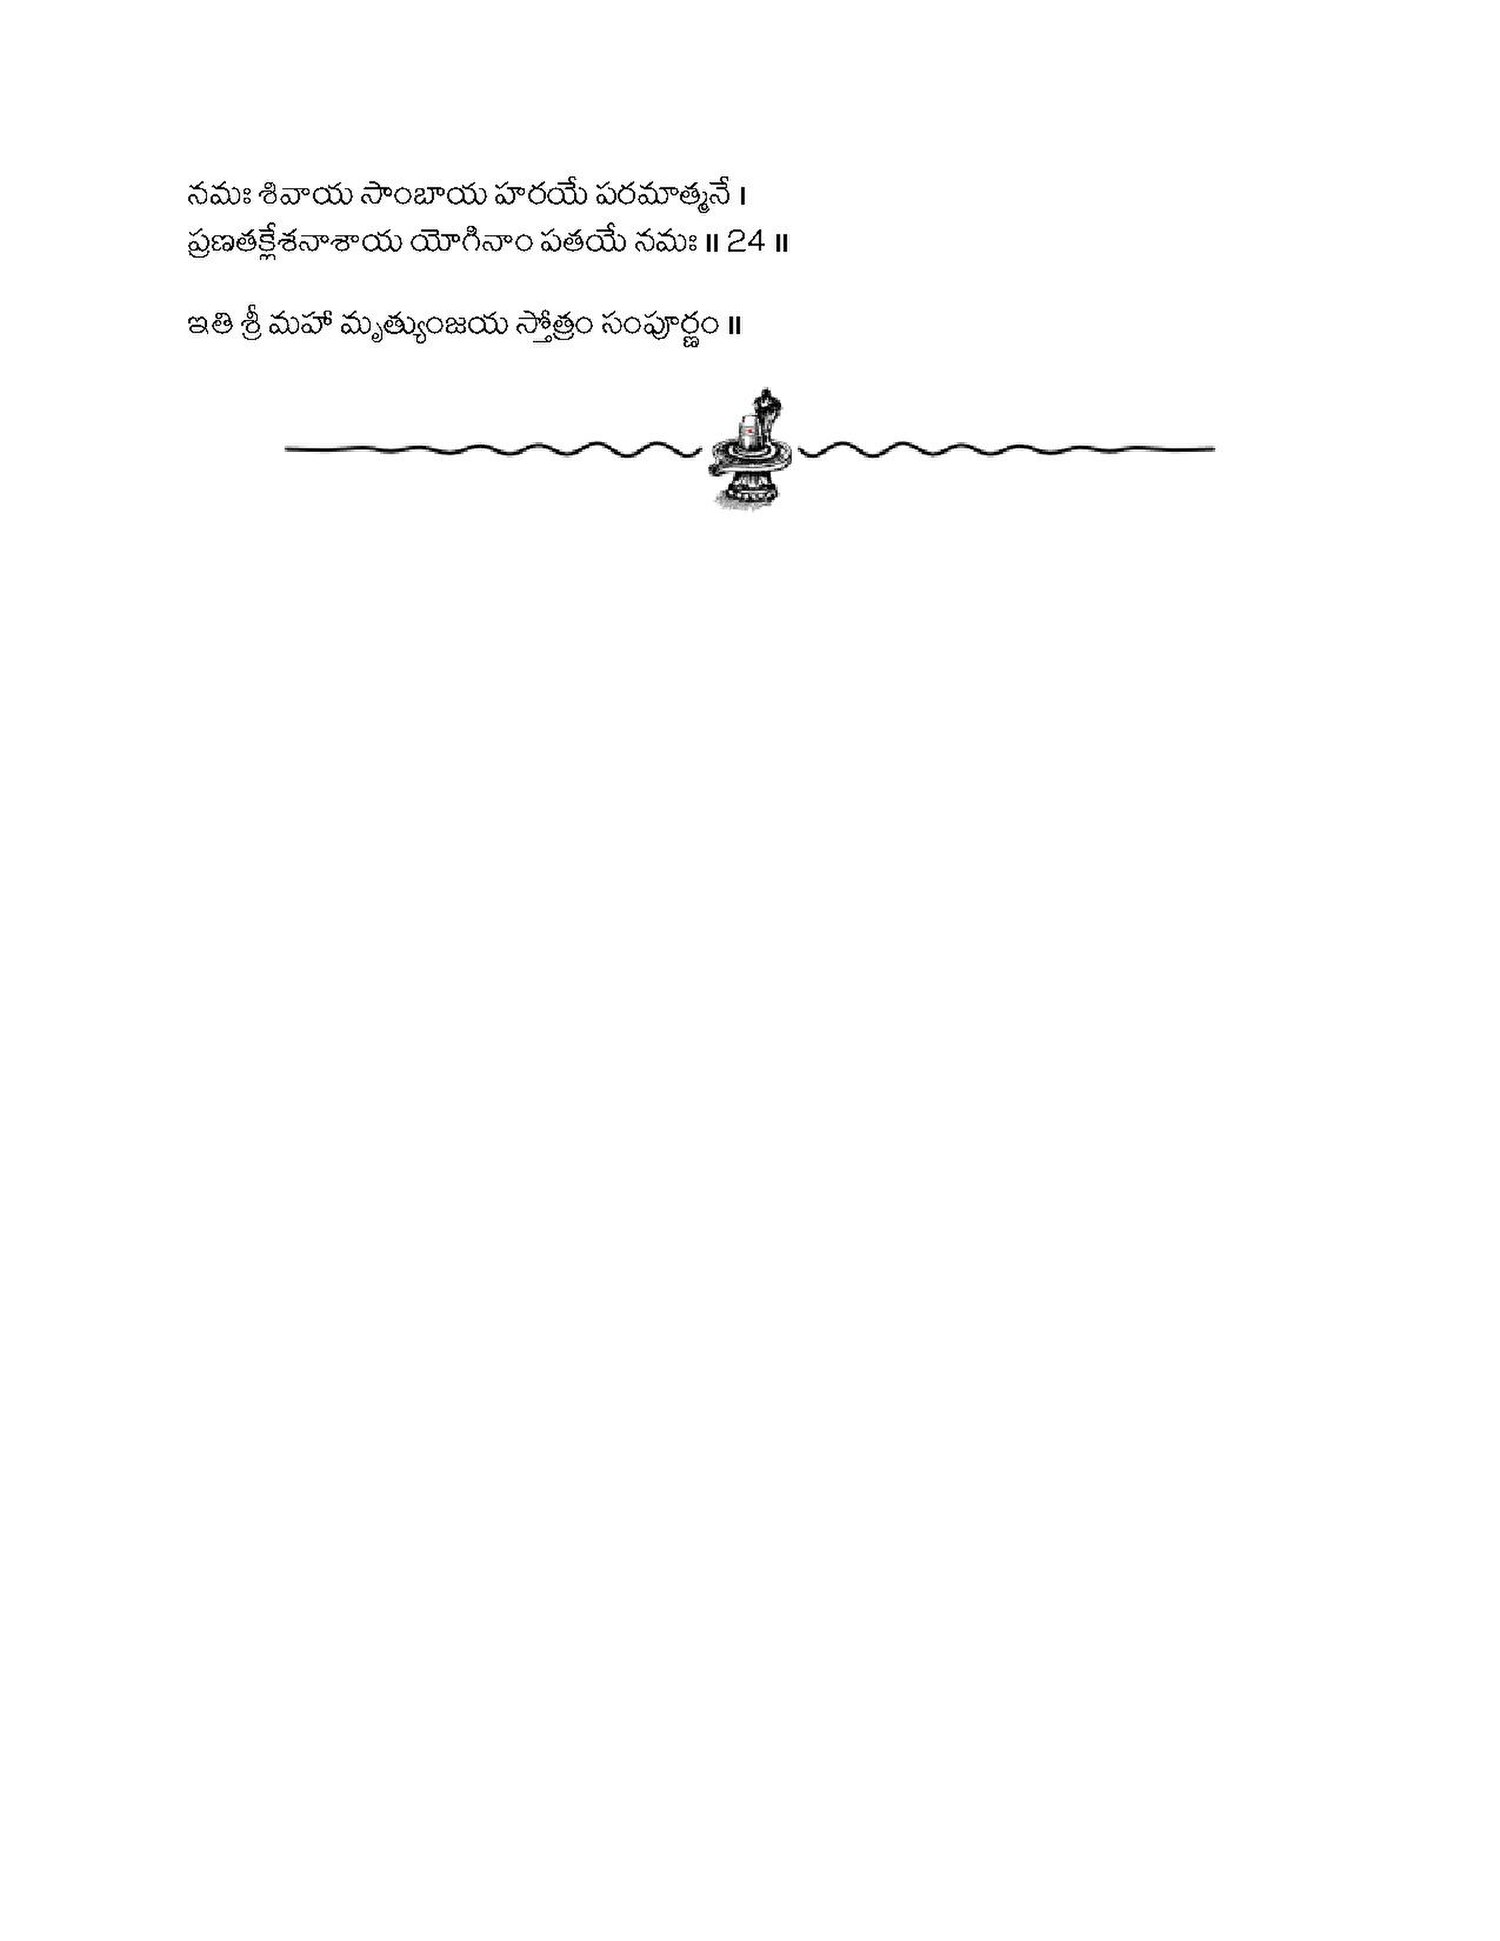నమఃశివాయ సాంబాయ హరయే పరమాత్మనే |
ప్రణతక్లేశనాశాయ యోగినాం పతయే నమః || 24 ||

ఇతి శ్రీ మహా మృత్యుంజయ స్తోత్రం సంపూర్ణం ||